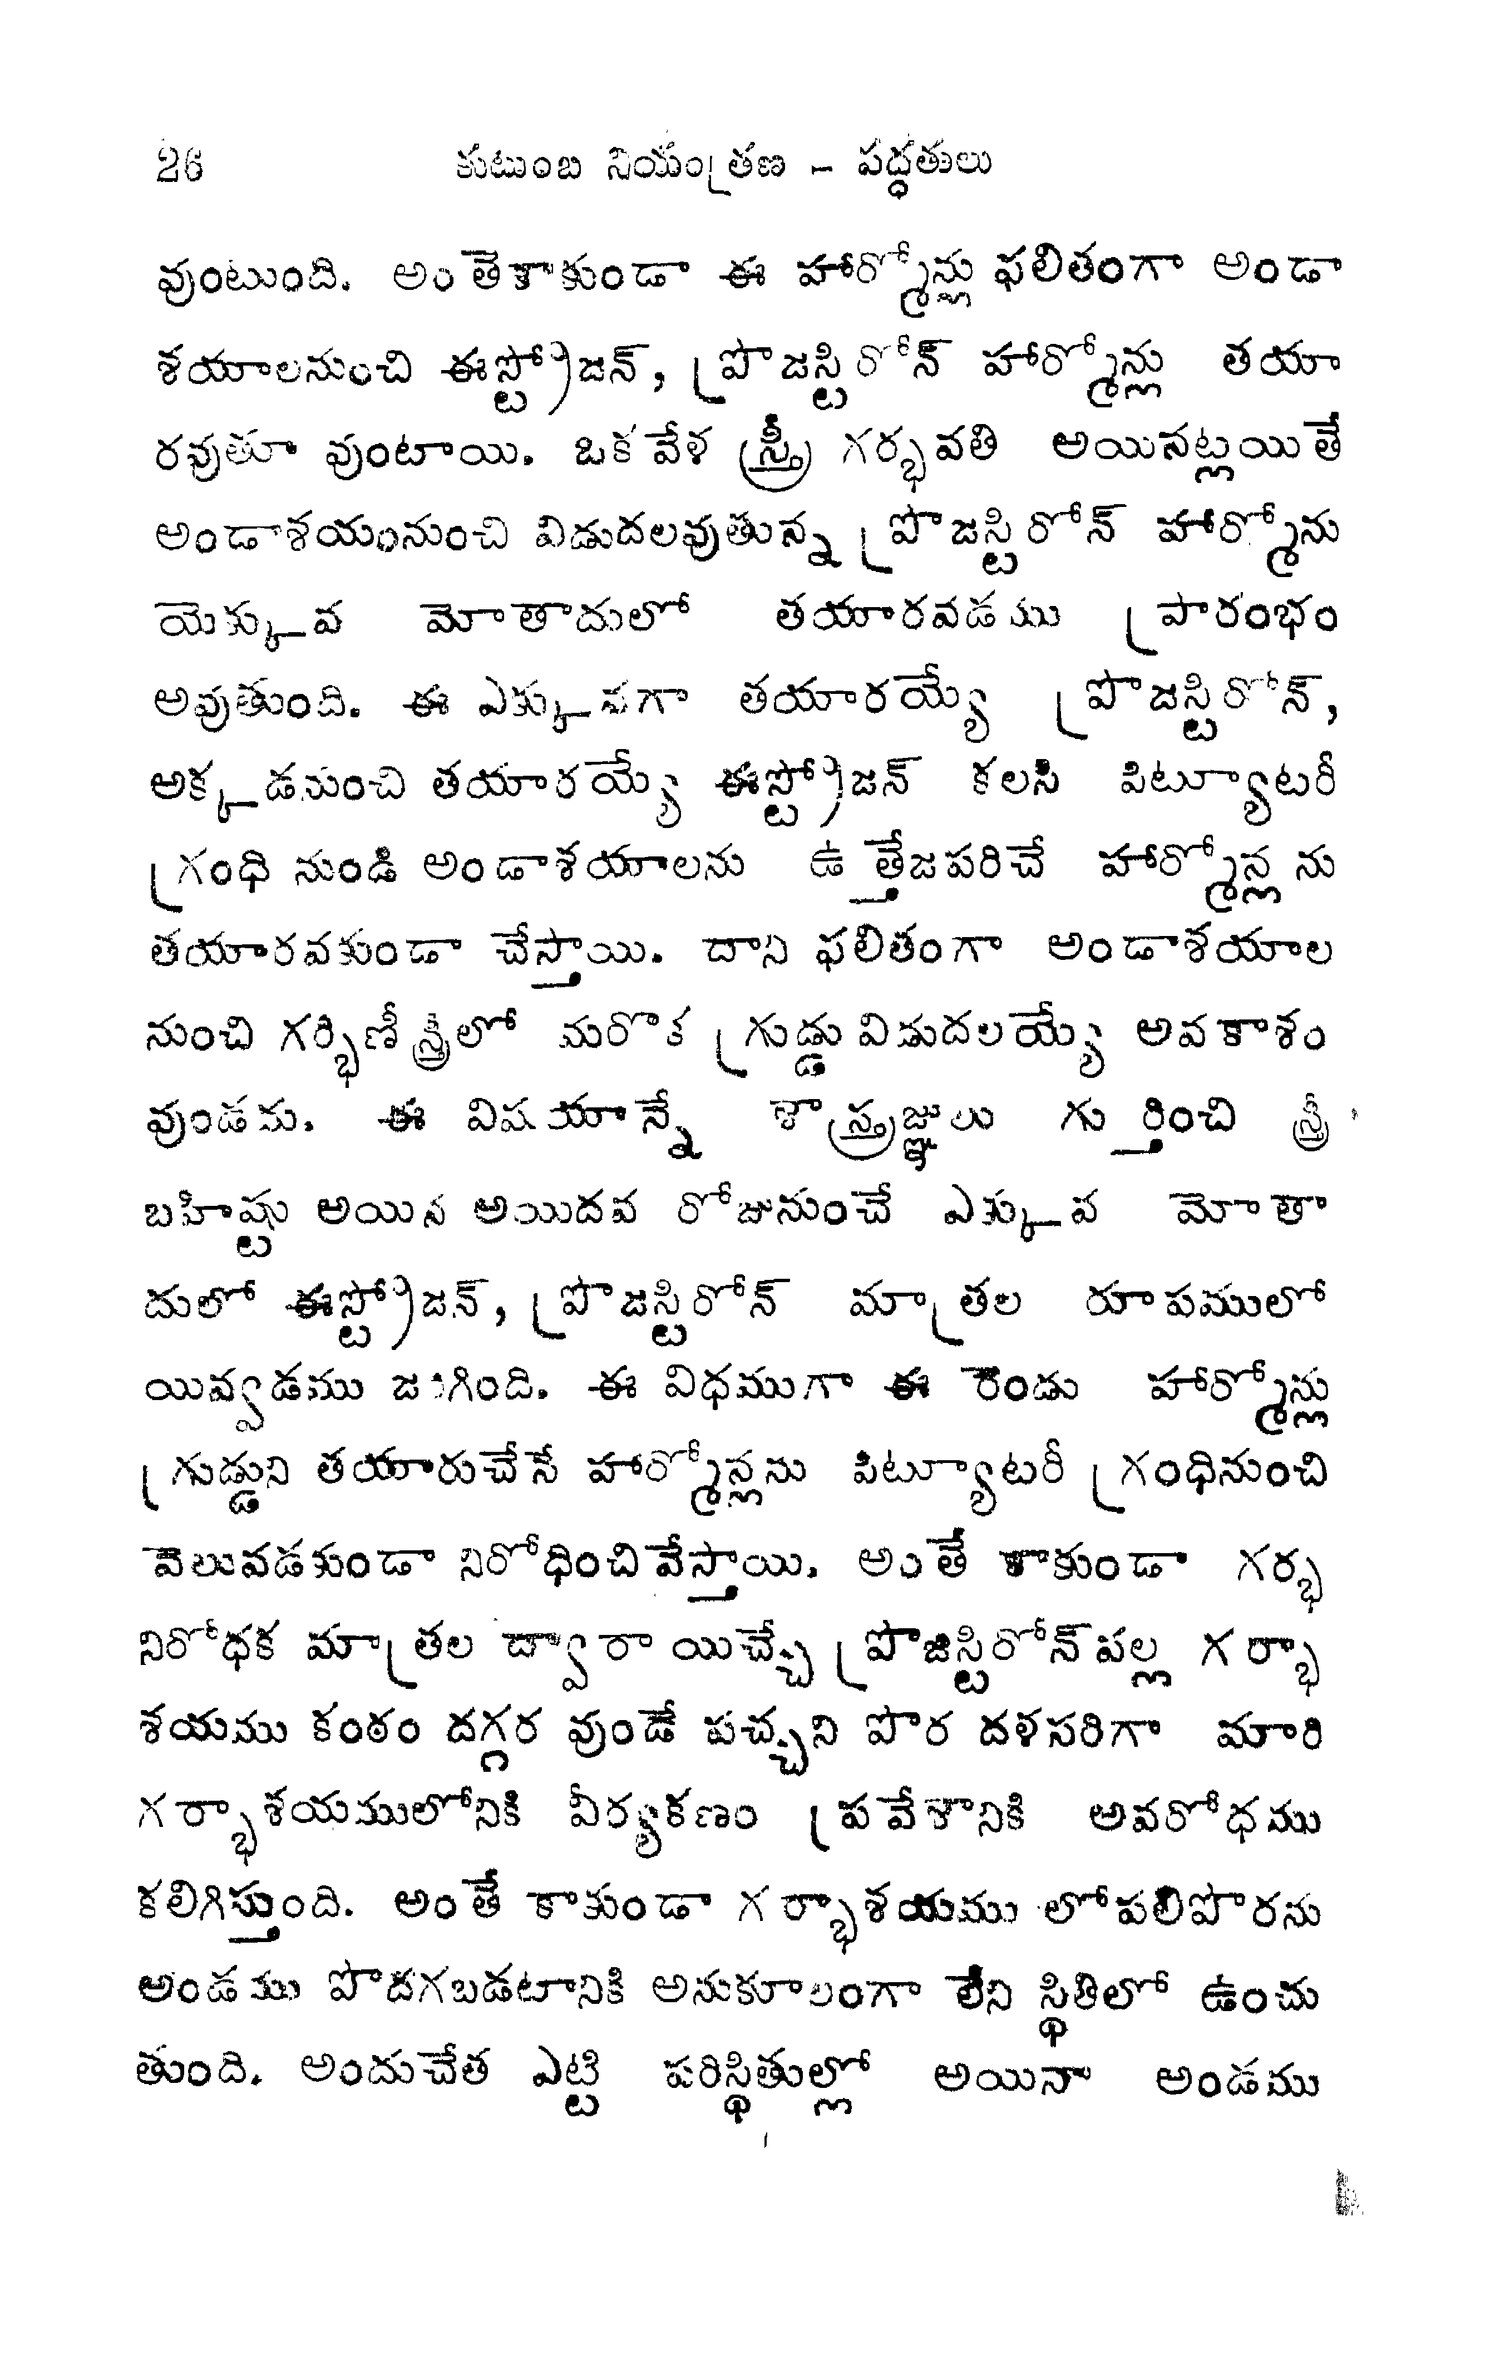వుంటుంది. అంతెకాకుండా ఈ హర్మోన్లు ఫలితంగా అండాశయాలనుంచి ఈస్ట్రోజన్, ప్రొజస్టిరోన్ హార్మోన్లు త్రయారవుతూ వుంటాయి. ఒకవేళ స్త్రీ గర్భవతి అయినట్లయితే అండాశయంనుంచి విడుదలవుతున్న ప్రొజస్టిరోన్ హార్మోను యెక్కువ మోతాదులో తయారవడము ప్రారంభం అవుతుంది. ఈ ఎక్కువగా తయారయ్యే ప్రొజస్టిరోన్, అక్కడనుంచి తయారయ్యే ఈస్ట్రోజన్ కలిసి పిట్యూటరీ గ్రంధి నుండి అండాశయాలను ఉత్తేజపరిచే హార్మోన్లను తయారవకుండా చేస్తాయి. దాని ఫలితంగా అండాశయాల నుంచి గర్బీణీస్త్రీలో మరొక గ్రుడ్డు విదుదలయ్యే అవకాశం వుండదు. ఈ విషయాన్నే శాస్త్రజ్ఞులు గుర్తించి స్త్రీ బహిష్టు అయిన అయిదవ రోజునుంచే ఎక్కువ మోతాదులో ఈష్ట్రొజన్, ప్రొజస్టిరోన్ మాత్రల రూపములో యివ్వడము జరిగింది. ఈ విధముగా ఈ రెండు హార్మోన్లు గ్రుడ్డుని తయారుచేసే హార్మోన్లను పిట్యూటరీ గ్రంధినుంచి వెలువడకుండా నిరోధించివేస్తాయి. అంతే కాకుండా గర్భనిరోధక మాత్రల ద్వారా యిచ్చే ప్రొజిస్టిరోన్ వల్ల గర్భాశయము కంఠం దగ్గర వుండే పచ్చని పొరదళసరిగా మారి గర్భాశయములోనికి వీర్యకణం ప్రవేశానికి అవరోధము కలిగిస్తుంది. అంతే కాకుండా గర్భాశయము లోపలిపొరను అండము పొదగబడటానికి అనుకూలంగా లేని స్తితిలో ఉంచుతుంది. అందుచేత ఎట్టి పరిస్థితుల్లో అయినా అండము